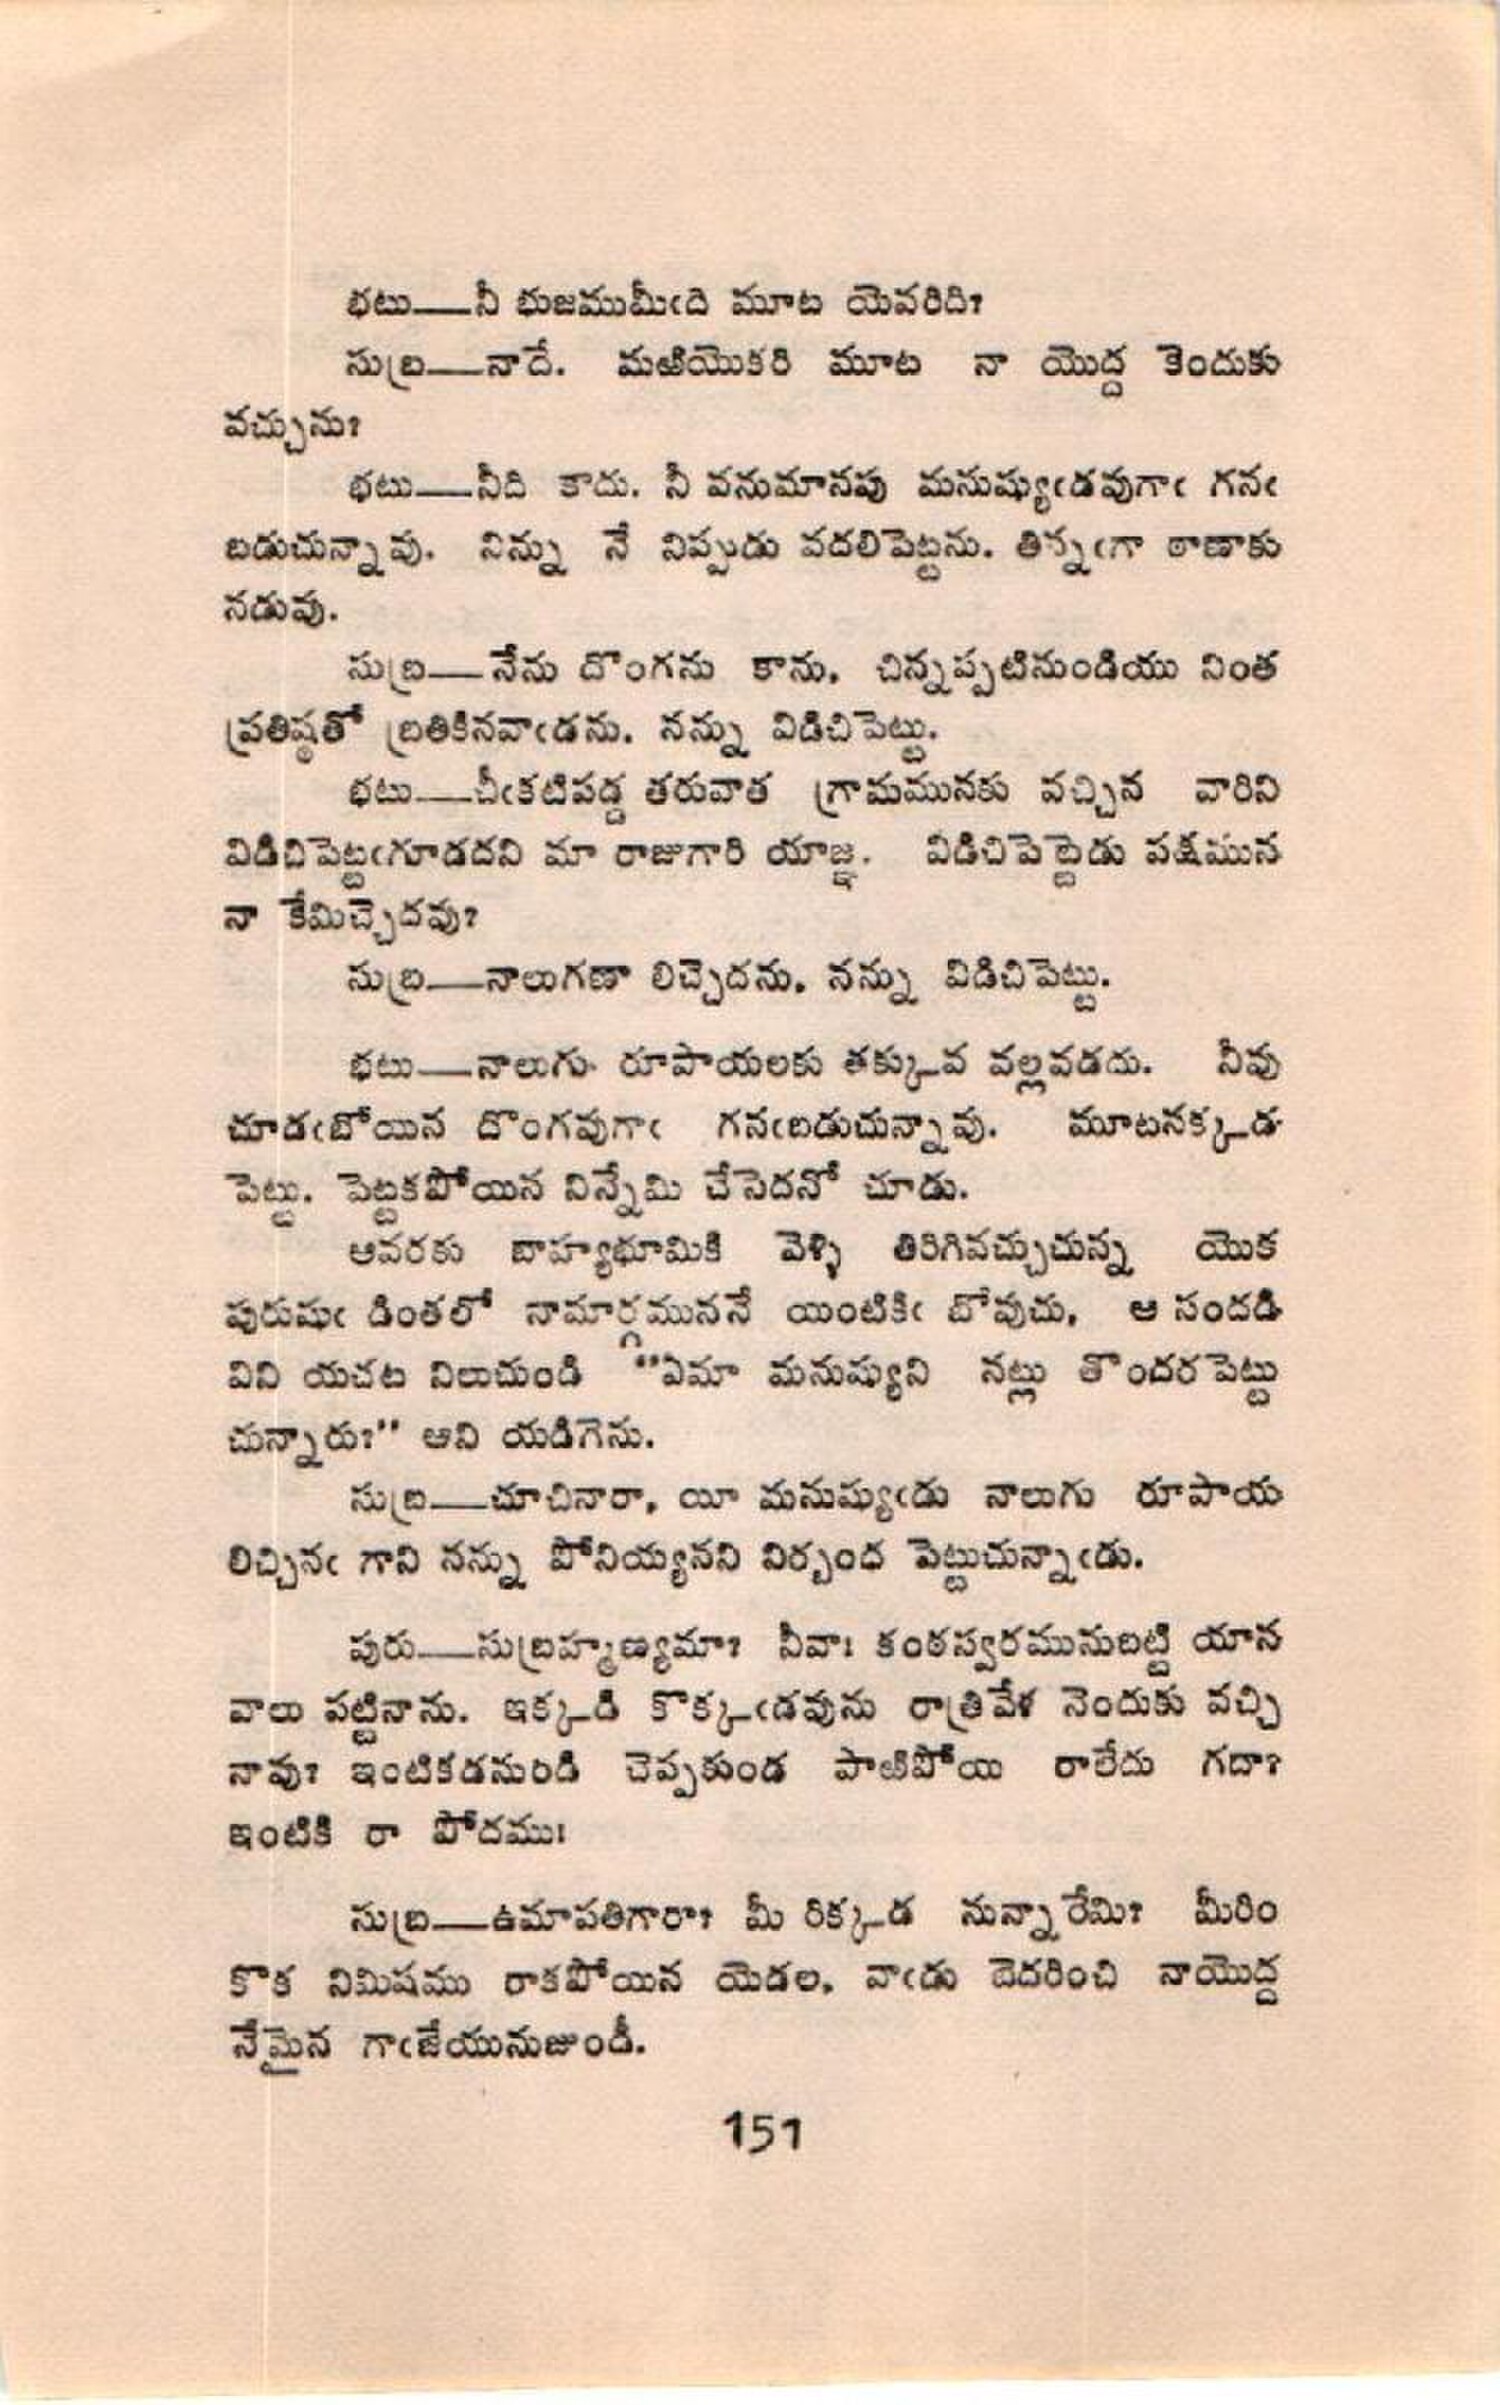భటు__నీ భుజముమీఁది మూట యెవరిది?

సుబ్ర__నాదే. మఱియొకరి మూట నా యొద్ద కెందుకు వచ్చును?

భటు__నీది కాదు. నీ వనుమానపు మనుష్యుఁడవుగాఁ గనఁ బడుచున్నావు. నిన్ను నే నిప్పుడు వదలిపెట్టను. తిన్నగా ఠాణాకు నడువు.

సుబ్ర__నేను దొంగను కాను, చిన్నప్పటినుండియు నింత ప్రతిష్టతో బ్రతికినవాఁడను. నన్ను విడిచిపెట్టు

భటు__చీకటిపడ్డ తరువాత గ్రామమునకు వచ్చిన వారిని విడిచిపెట్టఁగూడదని మా రాజుగారి యాజ్ఞ. విడిచిపెట్టెడు పక్షమున నా కేమిచ్చెదవు?

సుబ్ర__నాలుగణా లిచ్చెదను, నన్ను విడిచిపెట్టు.

భటు__నాలుగు రూపాయలకు తక్కువ వల్లవడదు. నీవు చూడఁబోయిన దొంగవుగాఁ గనఁబడుచున్నావు. మూటనక్కడ పెట్టు. పెట్టకపోయిన నిన్నేమి చేసెదనో చూడు.

ఆవరకు బాహ్యభూమికి వెళ్ళి తిరిగివచ్చుచున్న యొక పురుషుడింతలో నామార్గముననే యింటికి బోవుచుఆ సందడి విని యచట నిలుచుండి "ఏమా మనుష్యుని నట్లు తొందరపెట్టు చున్నారు?" అని యడిగెను.

సుబ్ర__చూచినారా, యీ మనుష్యుఁడు నాలుగు రూపాయ
లిచ్చినఁ గాని నన్ను పోనియ్యనని నిర్బంధ పెట్టుచున్నాడు.

పురు__సుబ్రహ్మణ్యమా? నీవా కంఠస్వరమునుబట్టి యాన వాలు పట్టినాను. ఇక్కడి కొక్కఁడవును రాత్రివేళ నెందుకు వచ్చి నావు? ఇంటికడనుండి చెప్పకుండ పాఱిపోయి రాలేదు గదా? ఇంటికి రా పోదము!

సుబ్ర__ఉమాపతిగారా? మీ రిక్కడ నున్నారేమి? మీరిం కొక నిమిషము రాకపోయిన యెడల, వాఁడు బెదరించి నాయొద్ద నేమైన గాఁజేయునుజుండీ.